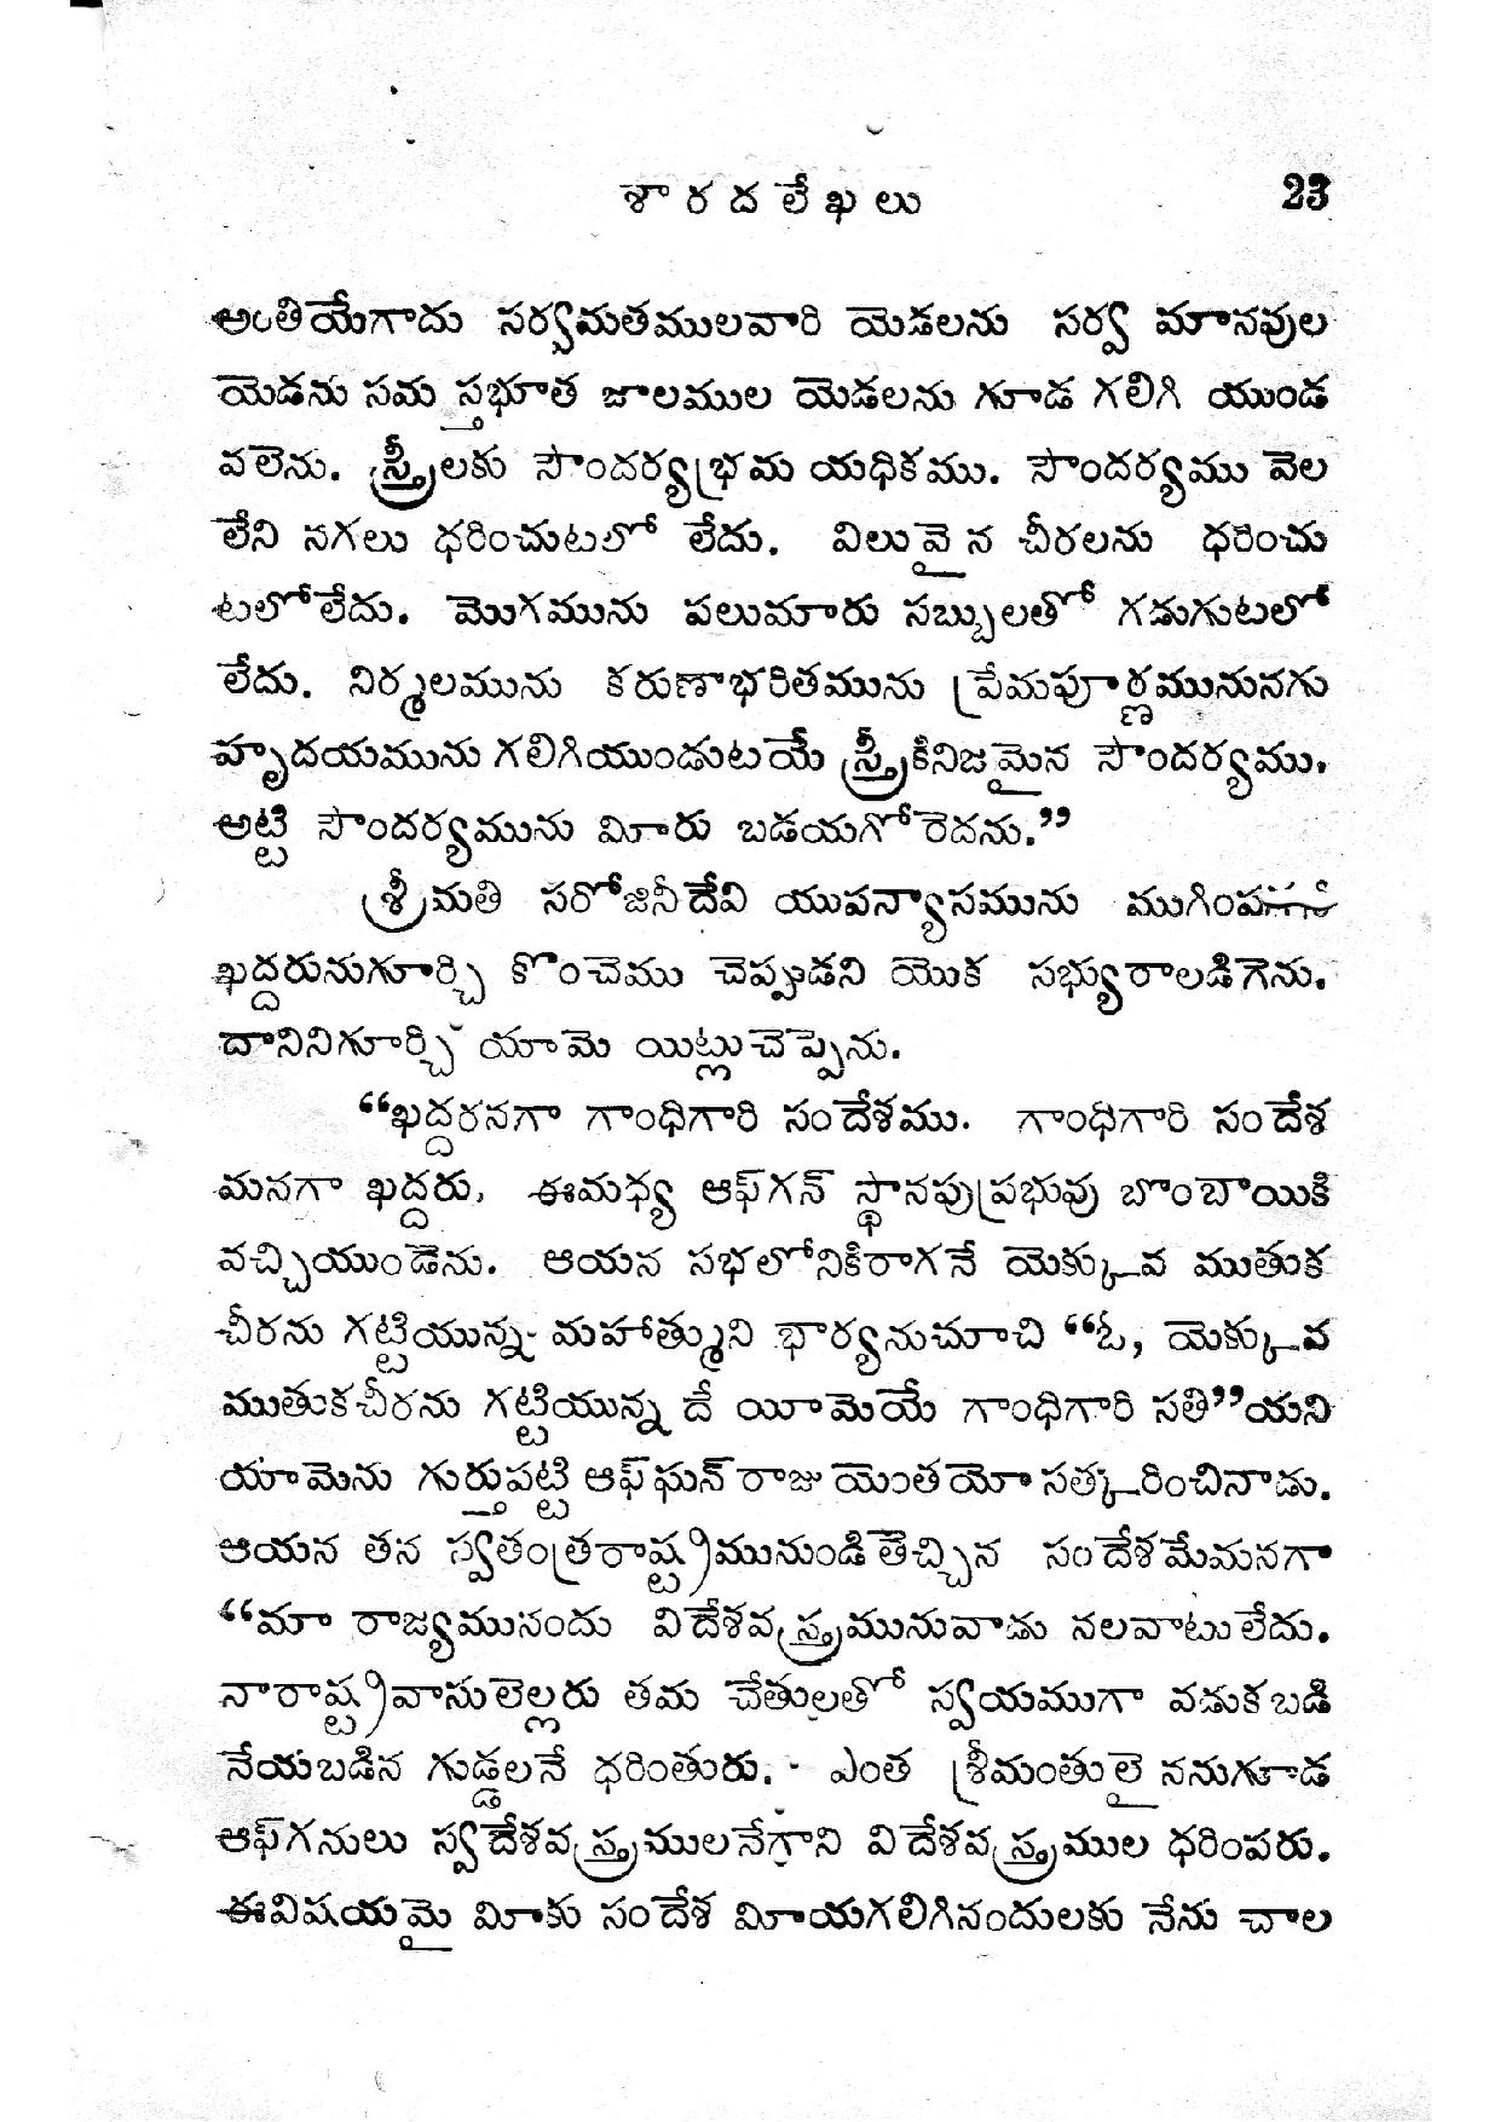అంతియేగాదు సర్వమతములవారి యెడలను సర్వ మానవుల యెడను సమస్తభూత జాలముల యెడలను గూడ గలిగి యుండవలెను. స్త్రీలకు సౌందర్యభ్రమ యధికము. సౌందర్యము వెలలేని నగలు ధరించుటలో లేదు. విలువైన చీరలను ధరించుటలోలేదు. మొగమును పలుమారు సబ్బులతో గడుగుటలో లేదు. నిర్మలమును కరుణాభరితమును ప్రేమపూర్ణమునునగు హృదయమును గలిగియుండుటయే స్త్రీకినిజమైన సౌందర్యము. అట్టి సౌందర్యమును మీరు బడయగోరెదను.”

శ్రీమతి సరోజినీదేవి యుపన్యాసమును ముగింపగ ఖద్దరునుగూర్చి కొంచెము చెప్పుడని యొక సభ్యురాలడిగెను. దానినిగూర్చి యామె యిట్లుచెప్పెను.

“ఖద్దరనగా గాంధిగారి సందేశము. గాంధిగారి సందేశమనగా ఖద్దరు, ఈమధ్య ఆఫ్‌గన్ స్థానపుప్రభువు బొంబాయికి వచ్చియుండెను. ఆయన సభలోనికిరాగనే యెక్కువ ముతుక చీరను గట్టియున్న మహాత్ముని భార్యనుచూచి “ఓ, యెక్కువ ముతుకచీరను గట్టియున్న దే యీమెయే గాంధిగారి సతి" యని యామెను గురుపట్టి ఆఫ్‌ఘన్ రాజు యెంతయో సత్కరించినాడు. ఆయన తన స్వతంత్రరాష్ట్రమునుండితెచ్చిన సందేశమేమనగా "మా రాజ్యమునందు విదేశవస్త్రమునువాడు నలవాటులేదు. నారాష్ట్రవాసులెల్లరు తమ చేతులతో స్వయముగా వడుకబడి నేయబడిన గుడ్డలనే ధరింతురు. ఎంత శ్రీమంతులైననుగూడ
ఆఫ్గనులు స్వదేశవస్త్రములనేగాని విదేశవస్త్రముల ధరింపరు. ఈవిషయమై మీకు సందేశ మీయగలిగినందులకు నేను చాల